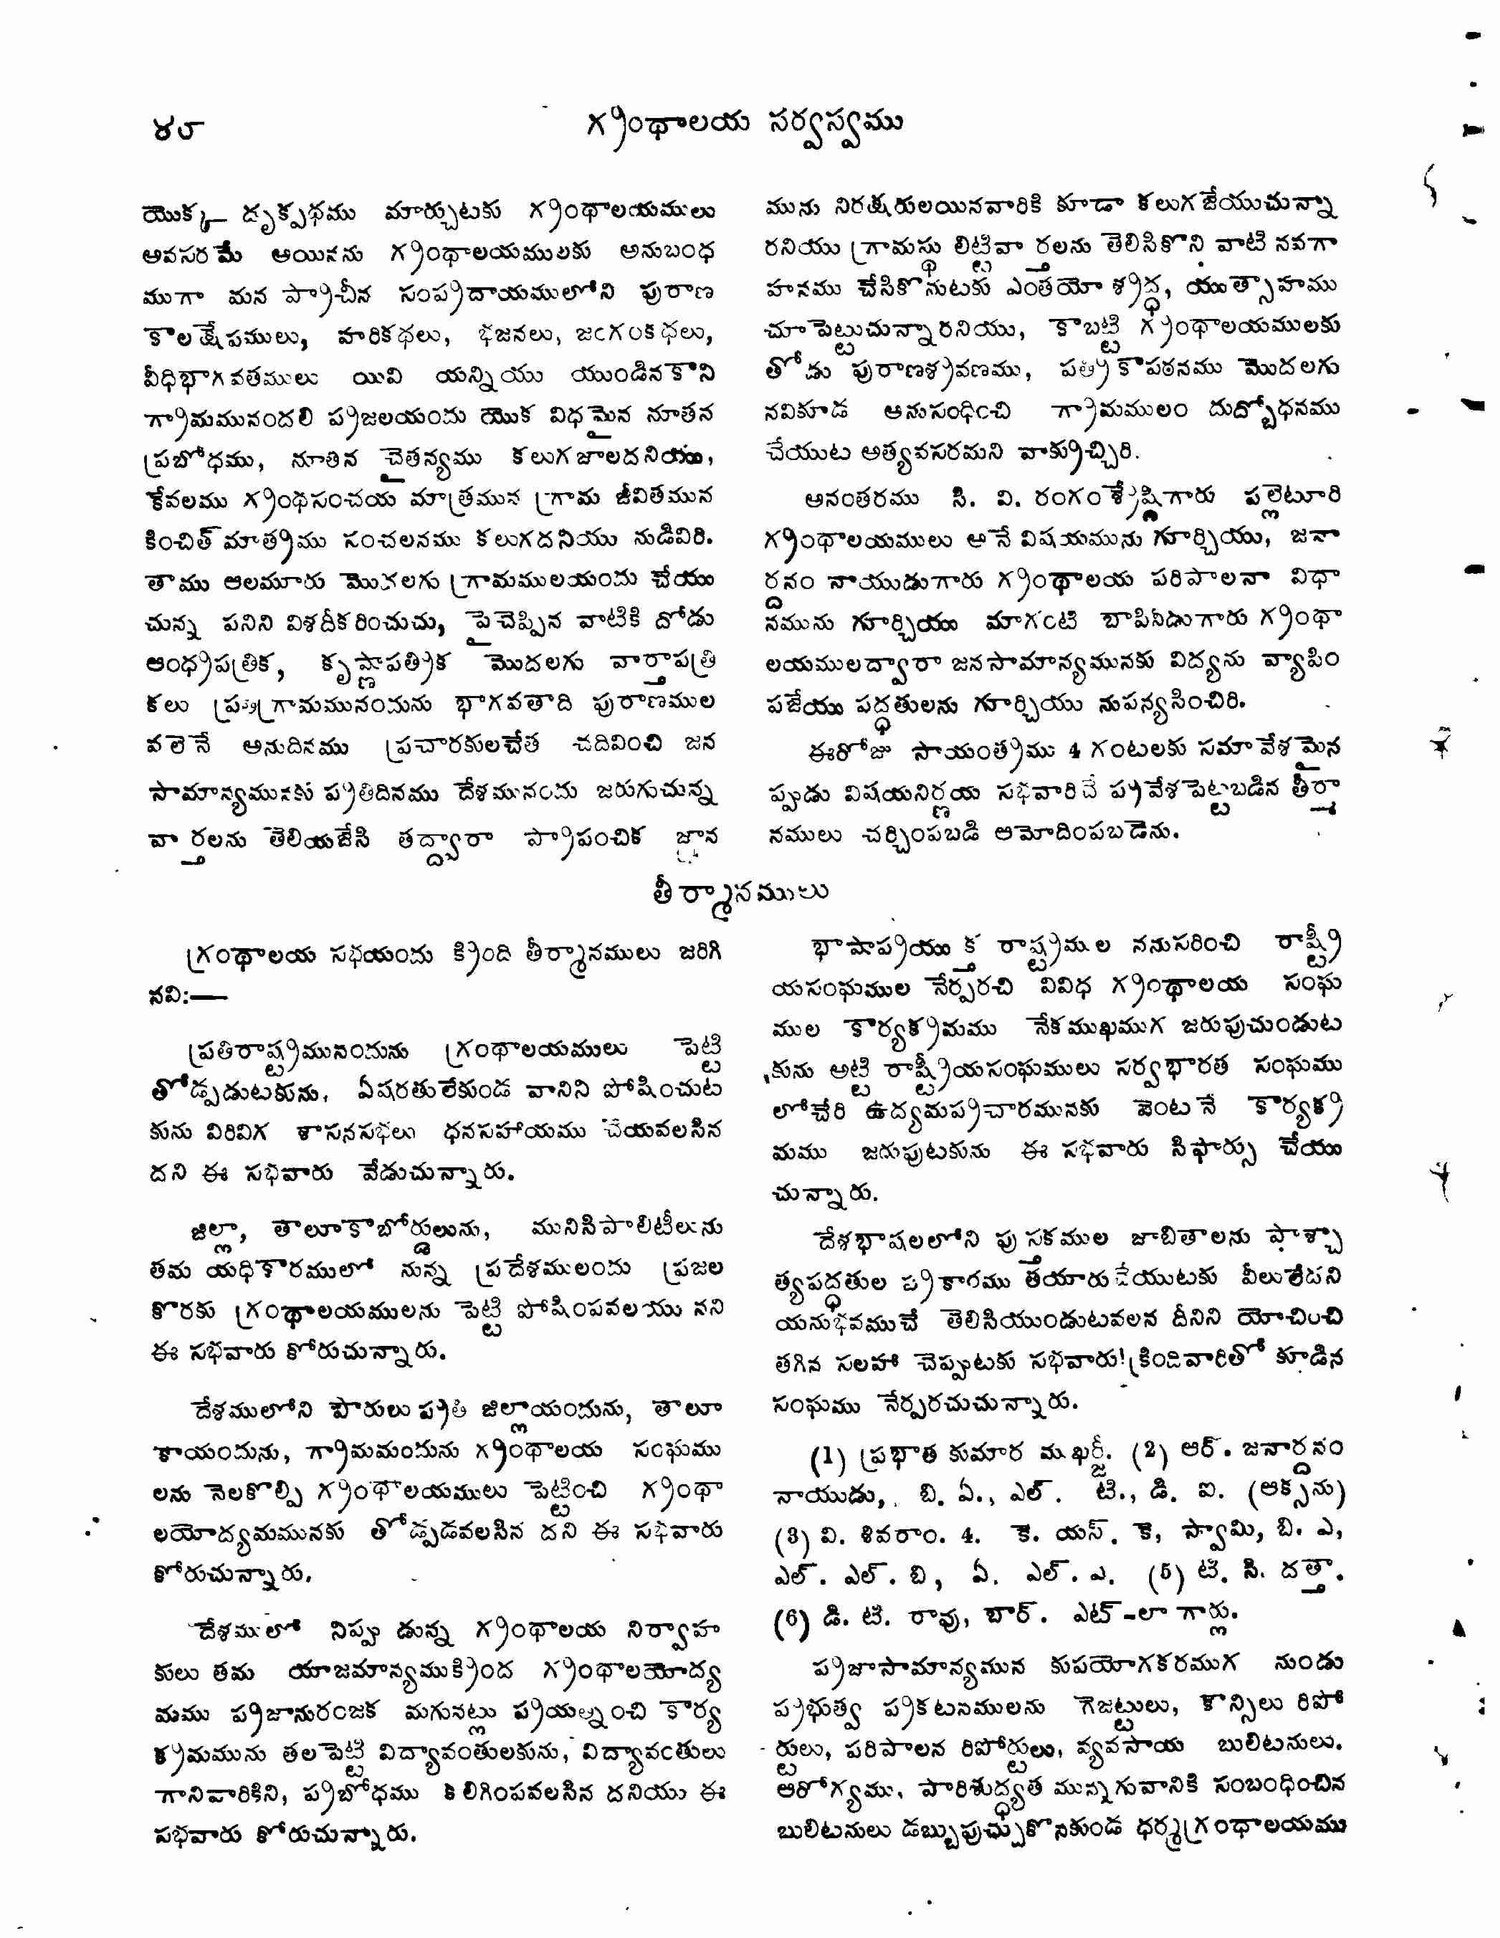యొక్క దృక్పధము మార్చుటకు గ్రంథాలయములు అవసరమే అయినను గ్రంథాలయములకు అనుబంధముగా మన ప్రాచీన సంప్రదాయములోని పురాణ కాలక్షేపములు, హరికథలు, భజనలు, జంగంకధలు, వీధి భాగవతములు యివి యన్నియు యుండిన 
కాని గ్రామమునందలి ప్రజలయందు యొక విధమైన నూతన ప్రబోధము, నూతిన చైతన్యము కలుగజాలదనియు, కేవలము గ్రంధిసంచయ మాత్రమున గ్రామ జీవితమున కించిత్ మాత్రము సంచలనము కలుగదనియు నుడివిరి. తాము ఆలమూరు మొదలగు గ్రామములయందు చేయుచున్న పనిని విశదీకరించుచు, పెచెప్పిన వాటికి దోడు ఆంధ్రపత్రిక, కృష్ణాపత్రిక మొదలగు వార్తాపత్రికలు 
ప్రతి గ్రామమునందును భాగవతాది పురాణములవలెనే అనుదినము ప్రచారకుల చేత చదివించి జన సామాన్యమునకు ప్రతిదినము దేశమునందు జరుగుచున్న వార్తలను తెలియజేసి తద్వారా ప్రాపంచిక జ్ఞానమును నిరక్షరులయినవారికి కూడా కలుగజేయుచున్నా
రనియు గ్రామస్థు లిట్టి వార్తలను తెలిసికొని వాటి నవగాహనము చేసికొనుటకు ఎంతయో శ్రద్ధ, యుత్సాహము చూపెట్టుచున్నారనియు, కాబట్టి గ్రంథాలయములకు తోడు పురాణశ్రవణము, పత్రికాపఠనము మొదలగు అనుసంధించి గ్రామములం దుద్బోధనము చేయుట అత్యవసరమని వాక్రూచ్చిరి.

అనంతరము సి. వి. రంగం శేష్టిగారు పల్లెటూరి గ్రంథాలయములు అనే విషయమును గూర్చియు, జనార్ధనం నాయుడుగారు 
గ్రంథాలయ పరిపాలనా విధానమును గూర్చియు మాగంటి బాపినీడు గారు గ్రంథాలయముల ద్వారా జనసామాన్యమునకు విద్యను 
వ్యాపింపజేయు పద్ధతులను గూర్చియు నుపన్యసించిరి.

ఈరోజు సాయంత్రము 4 గంటలకు సమావేశమైనప్పుడు విషయనిర్ణయ సభవారిచే ప్రవేశ పెట్టబడిన తీర్మానములు చర్చింపబడి ఆమోదింపబడెను.

గ్రంథాలయ సభయందు క్రింది తీర్మానములు జరిగినవి:౼ 

ప్రతిరాష్ట్రమునందును గ్రంథాలయములు పెట్టి తోడ్పడుటకును, ఏషరతులేకుండ వానిని పోషించుటకును విరివిగ శాసనసభలు ధనసహాయము చేయవలసినదని ఈ సభవారు వేడుచున్నారు.

జిల్లా, తాలూకాబోర్డులును, మునిసిపాలిటీలును తమ యధికారములో నున్న ప్రదేశములందు ప్రజల కొరకు గ్రంథాలయములను పెట్టి పోషింపవలయునని ఈ సభవారు కోరుచున్నారు.

దేశములోని పౌరులు ప్రతి జిల్లా యందును, తాలూకాయందును, గ్రామమందును గ్రంథాలయ సంఘములను నెలకొల్పి గ్రంథాలయములు పెట్టించి గ్రంథాలయోద్యమమునకు తోడ్పడవలసిన దాని ఈ సభవారు కోరుచున్నారు.

దేశములో నిప్పుడున్న గ్రంథాలయ నిర్వాహకులు తమ యాజమాన్యముక్రింద గ్రంథాలయోద్యమము ప్రజానురంజక మగునట్లు ప్రయత్నించి కార్యక్రమమును తలపెట్టి విద్యావంతులకును, విద్యావంతులుగాని వారికిని, ప్రబోధము కలిగింపవలసినదనియు ఈ
సభవారు కోరుచున్నారు.

భాషాప్రయుక్త రాష్ట్రముల ననుసరించి రాష్ట్రీయసంఘముల నేర్పరచి వివిధ గ్రంథాలయ సంఘముల కార్యక్రమము నేక ముఖముగ జరుపుచుండుటకును అట్టి రాష్ట్రీయ సంఘములు సర్వభారత సంఘములోచేరి ఉద్యమప్రచారమునకు వెంటనే కార్యక్రమము 
జరుపుటకును ఈ సభవారు సిఫార్సు చేయుచున్నారు.

దేశభాషలలోని పుస్తకములు జాబితాలను పాశ్చాత్యపద్దతుల ప్రకారము తయారు చేయుటకు వీలులేదని యనుభవముచే తెలిసి యుండుటవలన దీనిని యోచించి తగిన సలహా చెప్పుటకు సభవారు క్రింది వారితో కూడిన సంఘము నేర్పరచుచున్నారు.

(1) ప్రభాత కుమార మఖర్జీ (2) ఆర్. జనార్దనం నాయుడు,. బి. ఏ., ఎల్. టి., డి. ఐ. (ఆక్సను) (3) వి. శివరాం. 
(4) కె. యస్, కె, స్వామి, బి. ఎ,ఎల్. ఎల్. బి, ఏ. ఎల్. ఎ. (5) టి. సి. దత్తా. (6) డి. టి. రావు, బార్. ఎట్-లా గార్లు.

ప్రజాసామాన్యమున కుపయోగకరముగ నుండు ప్రభుత్వ ప్రకటనములను గెజట్టులు, కౌన్సిలు రిపోర్టులు, పరిపాలన రిపోర్టులు, వ్యవసాయ బులిటనులు, ఆరోగ్యము, పారిశుద్ధ్యత మున్నగువానికి సంబంధించిన బులిటనులు డబ్బుపుచ్చు కొనకుండ ధర్మగ్రంథాలయము